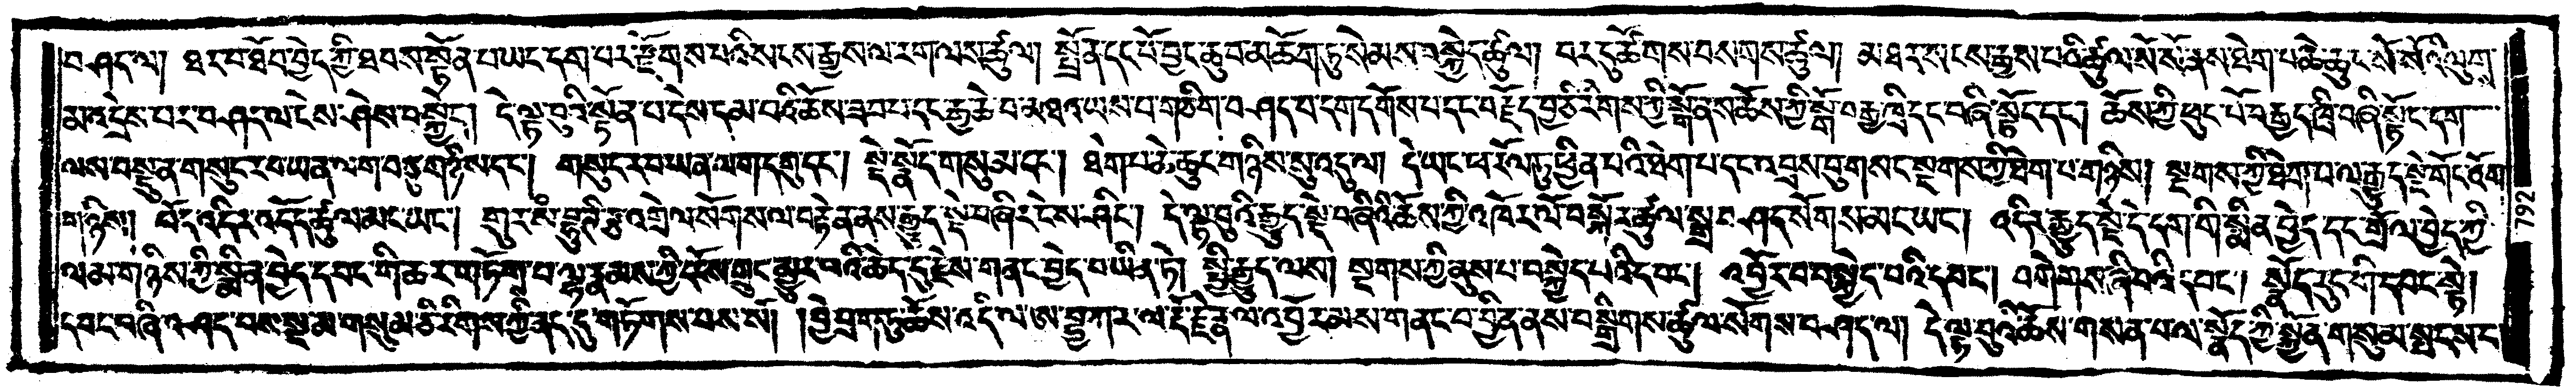བཤད་ལ། ཐར་པ་ཐོབ་བྱེད་ཀྱི་ཐབས་སྟོན་པ་ཡང་དག་པར་རྫོགས་པའི་སངས་རྒྱས་ལ་རག་ལས་ཚུལ། སྤྲོ་ན་དང་པོ་བྱང་ཆུབ་མཆོག་ཏུ་སེམས་བསྐྱེད་ཚུལ། བར་དུ་ཚོགས་བསགས་ཚུལ། མཐར་སངས་རྒྱས་པའི་ཚུལ་སོ་སོ་ནས་ཐེག་པ་ཆེ་ཆུང་སོ་སོའི་ལུགས་
མ་འདྲེས་པར་བཤད་ལ་ངེས་ཤེས་བསྐྱེད། དེ་ལྟ་བུའི་སྟོན་པ་དེས་དམ་པའི་ཆོས་ཟབ་པ་དང་རྒྱ་ཆེ་བ་མཐའ་ཡས་པ་གཅིག་བཤད་པ་དག་དགོས་པ་དང་བརྗོད་བྱ་ཅི་རིགས་ཀྱི་སྒོ་ནས་ཆོས་ཀྱི་སྒོ་བརྒྱ་ཁྲི་དང་བཞི་སྟོང་དང་། ཆོས་ཀྱི་ཕུང་པོ་བརྒྱད་ཁྲི་བཞི་སྟོང་དག་
ལས་བསྡུན་གསུང་རབ་ཡན་ལག་བཅུ་གཉིས་དང་། གསུང་རབ་ཡན་ལག་དགུ་དང་། སྡེ་སྣོད་གསུམ་དང་། ཐེག་པ་ཆེ་ཆུང་གཉིས་སུ་འདུལ། དེ་ཡང་ཕ་རོལ་ཏུ་ཕྱིན་པའི་ཐེག་པ་དང་འབྲས་བུ་གསང་སྔགས་ཀྱི་ཐེག་པ་གཉིས། སྔགས་ཀྱི་ཐེག་པ་ལ་རྒྱུད་སྡེ་གོང་འོག་
གཉིས། བོད་འདིར་འདོད་ཚུལ་མང་ཡང་། གུར་སཾ་བྷུ་ཊི་རྩ་འགྲེལ་སོགས་ལ་བརྟེན་ནས་རྒྱུད་སྡེ་བཞིར་ངེས་ཤིང་། དེ་ལྟ་བུའི་རྒྱུད་སྡེ་བཞིའི་ཆོས་ཀྱི་འཁོར་ལོ་བསྐོར་ཚུལ་སྒྲ་བཤད་སོགས་མང་ཡང་། འདིས་རྒྱུད་སྡེ་དེ་དག་གི་སྨིན་བྱེད་དང་གྲོལ་བྱེད་ཀྱི་
ལམ་གཉིས་ཀྱི་སྨིན་བྱེད་དབང་གི་ཆར་གཏོགས་པ་ལྷ་རྣམས་ཀྱི་དངོས་གྲུབ་མྱུར་བའི་ཆེད་དུ་རྗེས་གནང་བྱེད་པ་ཡིན་ཏེ། སྤྱི་རྒྱུད་ལས། སྔགས་ཀྱི་ནུས་པ་བསྐྱེད་པའི་དབང་། འབྱོར་བ་བསྐྱེད་པའི་དབང་། བགེགས་ཞི་བའི་དབང་། སྣེང་རུང་གི་དབང་སྟེ།
དབང་བཞི་བཤད་པས་སྔ་མ་གསུམ་ཅི་རིགས་ཀྱི་ནད་དུ་གཏོགས་པས་སོ། །བྱེ་བྲག་ཏུ་ཆོས་འདི་ལ་ཨ་བྷྱ་ཀར་ལ་རྡོ་རྗེ་རྣལ་འབྱོར་མས་གནང་བ་བྱིན་ནས་བསྒྲིགས་ཚུལ་སོགས་བཤད་ལ། དེ་ལྟ་བུའི་ཆོས་གསན་པ་ལ་སྣོད་ཀྱི་སྐྱོན་གསུམ་སྤངས་པ་